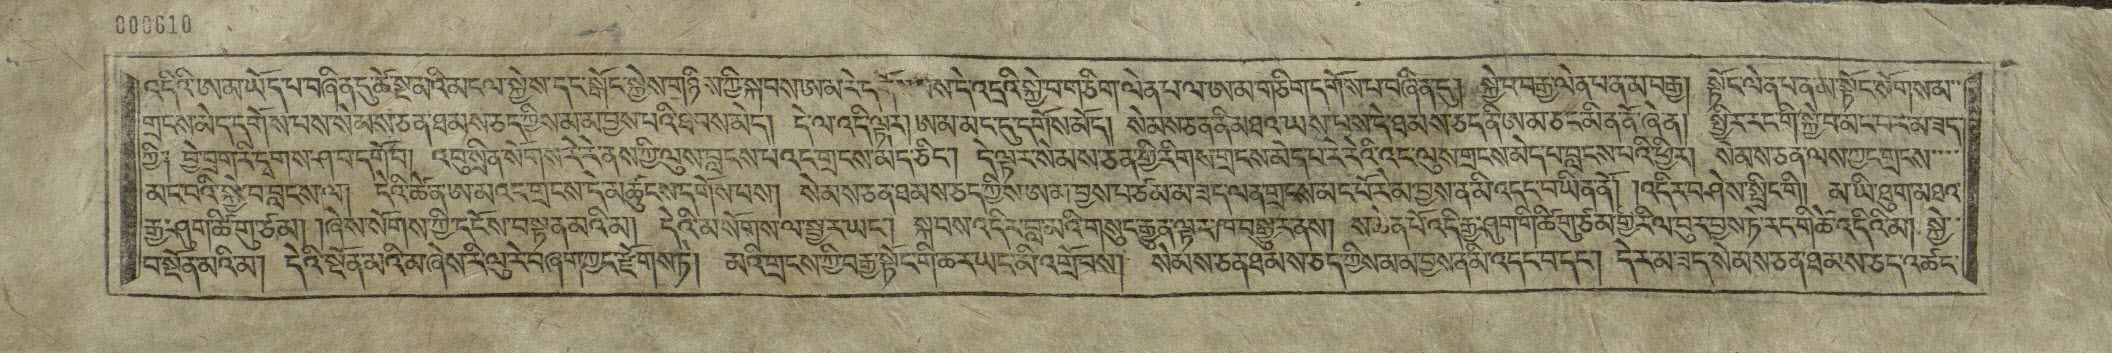འདིའི་ཨ་མ་ཡོད་པ་བཞིན་དུ་ཚེ་སྔ་མའི་མངལ་སྐྱེས་དང་སྒོང་སྐྱེས་གཉིས་ཀྱི་སྐབས་ཨ་མ་རེ་དགོས་པས་དེ་འདྲའི་སྐྱེ་བ་གཅིག་ལེན་པ་ལ་ཨ་མ་གཅིག་དགོས་པ་བཞིན་དུ། སྐྱེ་བ་བརྒྱ་ལེན་པ་ན་མ་བརྒྱ། སྟོང་ལེན་པ་ན་མ་སྟོང་སོགས་མ་
གྲངས་མེད་དགོས་པས་སེམས་ཅན་ཐམས་ཅད་ཀྱིས་མ་མ་བྱས་པའི་ཐབས་མེད། དེ་ལ་འདི་ལྟར། ཨ་མ་མང་དུ་དགོས་མོད། སེམས་ཅན་ནི་མཐའ་ཡས་པས་དེ་ཐམས་ཅད་ནི་ཨ་མ་ཅང་མིན་ནོ་ཞེ་ན། སྤྱིར་རང་གི་སྐྱེ་བ་མང་བར་མ་ཟད་
ཀྱི༑ བྱེ་བྲག་རི་དྭགས་ཤ་བ་དགོ་བ། འབུ་སྲིན་སོགས་རེ་རེ་ནས་ཀྱི་ལུས་བླངས་པའང་གྲངས་མེད་ཅིང་། དེ་ལྟར་སེམས་ཅན་གྱི་རིགས་གྲངས་མེད་པ་རེ་རེའི་འང་ལུས་གྲངས་མེད་པ་བླངས་པའི་ཕྱིར། སེམས་ཅན་ལས་ཀྱང་གྲངས་
མང་བའི་སྐྱེ་བ་བླངས་ལ། དེའི་ཚེ་ན་ཨ་མའང་གྲངས་དེ་མཚུངས་དགོས་པས། སེམས་ཅན་ཐམས་ཅད་ཀྱིས་ཨ་མ་བྱས་པ་ཙམ་མ་ཟད་ལན་གྲངས་མང་པོ་རེ་མ་བྱས་ན་མི་འདང་བ་ཡིན་ནོ། །འདིར་བཤེས་སྤྲིང་གི། མ་ཡི་ཐུག་མཐའ་
རྒྱ་ཤུག་ཚི་གུ་ཙམ། །ཞེས་སོགས་ཀྱི་དངོས་བསྟན་མའི་མ། དེའི་མ་སོགས་ལ་སྦྱར་ཡང་། སྐབས་འདིར་བླ་མའི་གསུང་རྒྱུན་ལྟར་ཁ་བསྒྱུར་ནས། ས་ཆེན་པོ་འདི་རྒྱ་ཤུག་གི་ཚི་གུ་ཙམ་གྱི་རིལ་བུར་བྱས་ཏེ་རང་གི་ཚེ་འདིའི་མ། སྐྱེ་
བ་སྔོན་མའི་མ། དེའི་སྔོན་མའི་མ་ཞེས་རི་ལུ་རེ་བཞག་ཀྱང་རྫོགས་ཏེ། མའི་གྲངས་ཀྱི་བརྒྱ་སྟོང་གི་ཆར་ཡང་མི་འགྲོ་བས། སེམས་ཅན་ཐམས་ཅད་ཀྱིས་མ་མ་བྱས་ན་མི་འདང་བ་དང་། དེར་མ་ཟད་སེམས་ཅན་ཐམས་ཅད་འཚང་